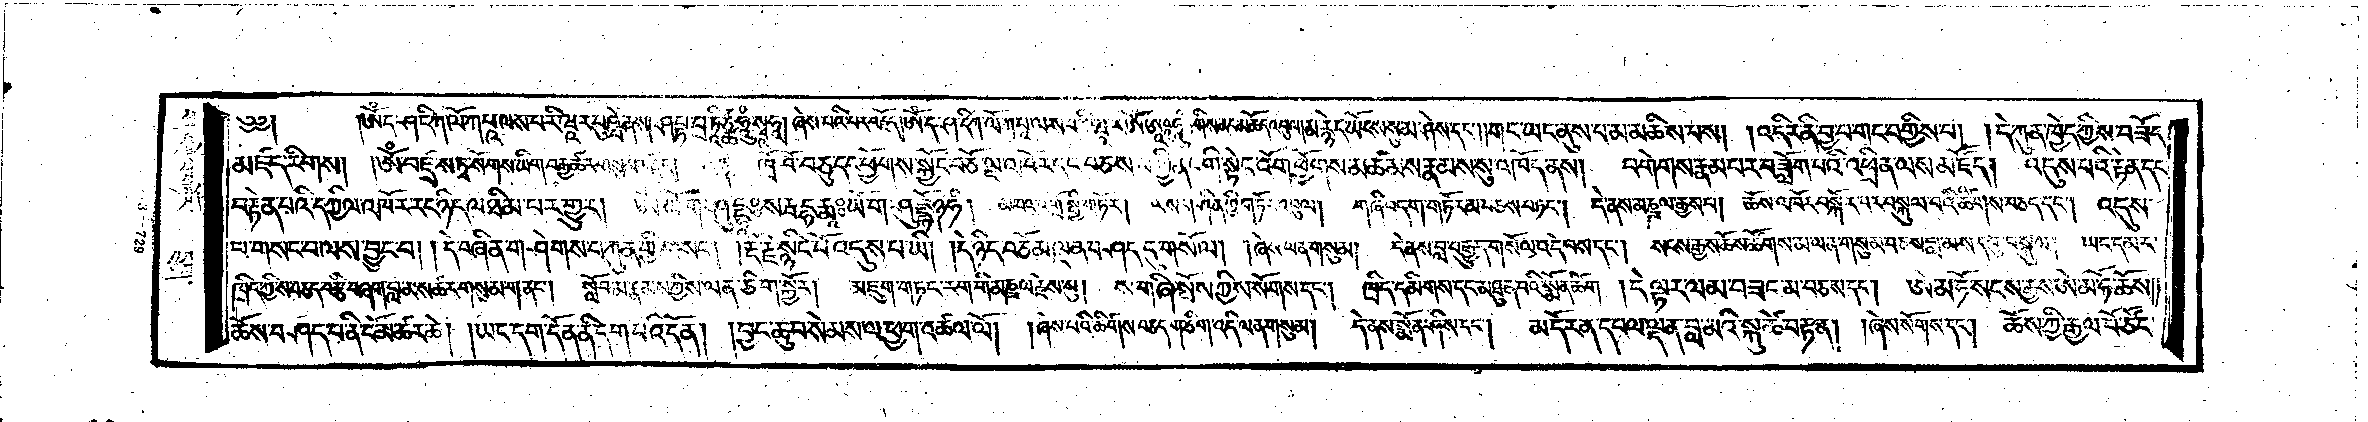༄༅། །ཨོཾ་ད་ཤ་དི་ཀ་ལོ་ཀ་པཱ་ལས་པ་རི་ཝཱ་ར་པུཥྤེ་ནས། ཤཔྟ་པྲ་ཏཱི་ཙྪ་ཧཱུཾ་སྭཱཧཱ། ཞེས་པའི་པར་བརྗོད། ཨོཾ་ད་ཤ་དི་ཀ་ལོ་ཀ་པཱ་ལས་བ་རི་ཝཱ་ར་ཨོཾ་ཨཱཿཧཱུཾ་གིས་མང་མཆོད་འབུལ། མ་རྙེད་ཡོངས་སུ་མ་ཤེས་དང་། །གང་ཡང་ནུས་པ་མ་མཆིས་པས། །འདིར་ནི་བྱ་བ་གང་བགྱིས་པ། །དེ་ཀུན་ཁྱེད་ཀྱིས་བཟོད་
མཛད་རིགས། །ཨོཾ་བཛྲ་སཏྭ་སོགས་ཡིག་བརྒྱ་ཚར་གསུམ་བརྗོད། ༈ ཁྲོ་བོ་བཅུ་དང་ཕྱོགས་སྐྱོང་བཅོ་ལྔ་འཁོར་དང་བཅས་པ་ཕྱི་ནང་གི་སྟེང་འོག་ཕྱོགས་མཚམས་རྣམས་སུ་འཁོད་ནས། བགེགས་རྣམ་པར་བཟློག་པའི་འཕྲིན་ལས་མཛོད། འདུས་པའི་རྟེན་དང་
བརྟེན་པའི་དཀྱིལ་འཁོར་རང་ཉིད་ལ་ཐིམ་པར་གྱུར། ཨོཾ་ཡོག་ཤུདྡྷཱཿསརྦ་དྷ་རྨཱཿཡོག་ཤུདྡྷོ་ཉཧཾ། མཁའ་འགྲོ་སྤྱི་གཏོར། ལས་གཤིན་གྱི་གཏོར་འབུལ། གཞི་བདག་གཏོར་མ་བཅས་བཏང་། དེ་ནས་མཎྜལ་རྒྱས་པ། ཆོས་འཁོར་བསྐོར་བར་བསྐུལ་བའི་ཚིགས་བཅད་དང་།  འདུས་
པ་གསང་བ་ལས་བྱུང་བ། །དེ་བཞིན་གཤེགས་པ་ཀུན་གྱི་གསང་། །རྡོ་རྗེ་སྙིང་པོ་འདུས་པ་ཡི། །དེ་ཉིད་བཅོམ་ལྡན་བཤད་དུ་གསོལ། །ཞེས་ལན་གསུམ། དེ་ནས་བླ་བརྒྱུད་གསོལ་འདེབས་དང་། སངས་རྒྱས་ཆོས་ཚོགས་མ་ལན་གསུམ་བཅས་བླ་ཆོས་དབུ་བསྐུལ། ཡང་དམར་
ཁྲིད་ཀྱིས་བཅད་བརྩི་བཞག་བླ་མས་ཚར་གསུམ་གནང་། སློབ་མ་རྣམས་ཀྱིས་ལན་ཅིག་སྐྱོར། མཇུག་གཏང་རག་གི་མཎྜལ་རྗེས་སུ། ས་གཞི་སྤོས་ཀྱིས་སོགས་དང་། ཁྲིད་དམིགས་དང་མཐུན་བའི་སྨོན་ཚིག །དེ་ལྟར་ལམ་བཟང་མ་བཅས་དང་། ཨེ་མ་ཧོ་སངས་རྒྱས་ཨེ་མ་ཧོ་ཆོས།།
ཆོས་བཤད་པ་ནི་ངོ་མཚར་ཆེ། །ཡང་དག་དོན་ནི་དག་པའི་དོན། །བྱང་ཆུབ་སེམས་ལ་ཕྱག་འཚལ་ལོ། །ཞེས་པའི་ཚིགས་བཅད་གཅིག་འདི་ལན་གསུམ། དེ་ནས་སྨོན་ཤིས་དང་། མདོར་ན་དཔལ་ལྡན་བླ་མའི་སྐུ་ཚེ་བརྟན། །ཞེས་སོགས་དང་། ཆོས་ཀྱི་རྒྱལ་པོ་ཙོང་